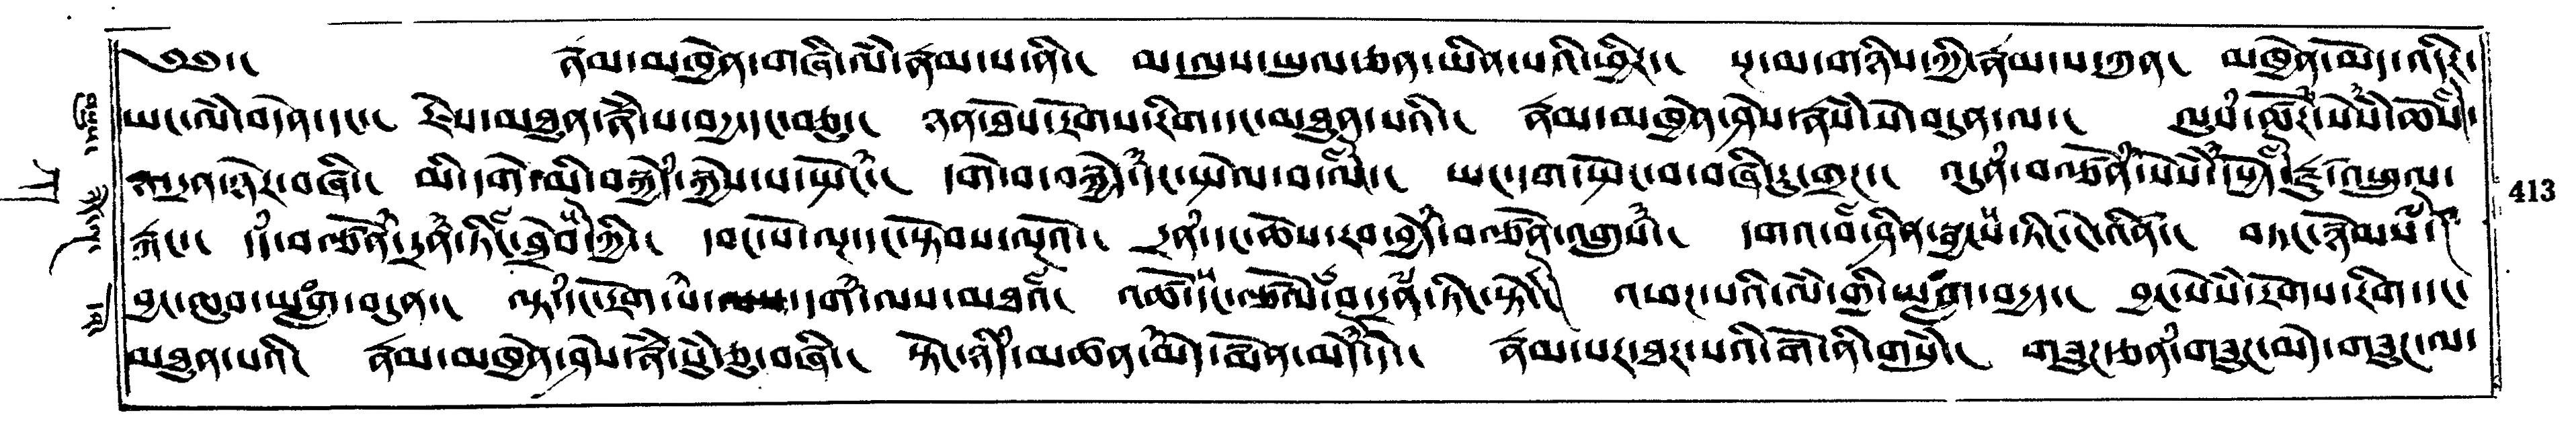རྣམ་མཁྱེན་གཞི་ལམ་རྣམ་པ་ནི། །མ་ལུས་ཡུལ་ཅན་ཡིན་པའི་ཕྱིར། །སྔ་མ་གཉིས་ཀྱི་རྣམ་པ་ཀུན། །མཁྱེན་མོད་འདིར་
ཡང་ལམ་བདེན་དང་། །རྗེས་མཐུན་རྣམ་པ་བརྒྱ་དང་བཅུ། །ཉན་ཐོས་རྟོགས་རིགས་དང་མཐུན་པའི། །རྣམ་མཁྱེན་ཤེས་རྣམ་སོ་བདུན་ལ་། །ལུས་ཚོར་སེམས་ཆོས་
དྲན་ཉེར་བཞི། །མི་དགེ་མི་བསྐྱེད་སྐྱེས་པ་སྤོང་། །དགེ་བ་བསྐྱེད་དང་སྤེལ་བ་ལ། །ཡང་དག་སྤོང་བ་བཞི་རུ་གྲགས། །འདུན་བརྩོན་སེམས་དཔྱོད་རྫུ་འཕྲུལ་
རྐང་། །དད་བརྩོན་དྲན་ཏིང་ཤེས་རབ་ཀྱི། །དབང་པོ་ལྔ་དང་སྟོབས་ལྔའོ། །དྲན་དང་ཆོས་རབ་འབྱེད་བརྩོན་འགྲུས། །དགའ་བ་ཤིན་སྦྱངས་ཏིང་ངེ་འཛིན། །བཏང་སྙོམས་
བྱང་ཆུབ་ཡན་ལག་བདུན། །ལྟ་དང་རྟོག་པ་ངག་ལས་མཐའ། །འཚོ་དང་རྩོལ་བ་དྲན་ཏིང་སྟེང་། །འཕགས་པའི་ལམ་གྱི་ཡན་ལག་བརྒྱད། །བྱང་སེམས་རྟོགས་རིགས་དང་
མཐུན་པའི། །རྣམ་མཁྱེན་ཤེས་རྣམ་སུམ་ཅུ་བཞི། །སྟོང་ཉིད་མཚན་མེད་སྨོན་མེད་དེ། །རྣམ་པར་ཐར་པའི་སྒོ་ནི་གསུམ། །གཟུགས་ཅན་གཟུགས་མེད་གཟུགས་ལ་